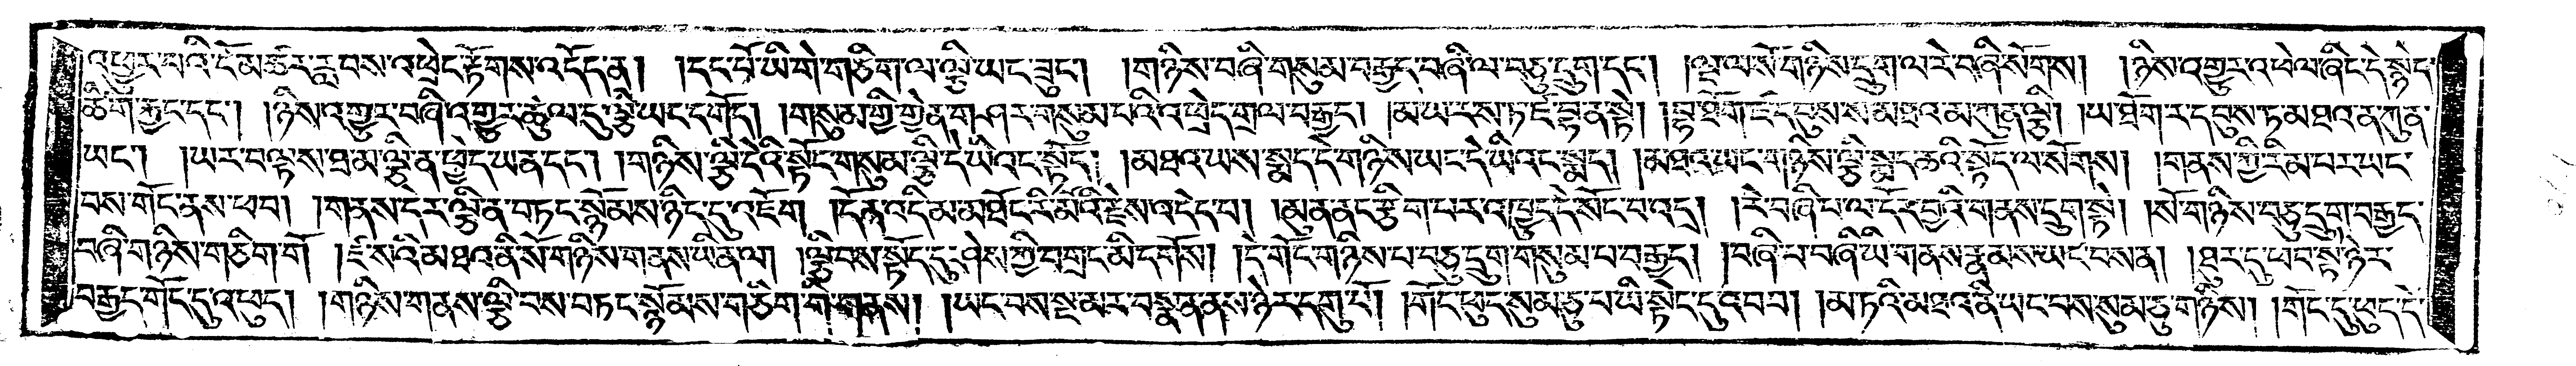འཕྱུར་པའི་ངོ་མཚར་རླབས་འཕྲེང་རྟོགས་འདོད་ན། །དང་པོ་ཡི་གེ་གཅིག་ལ་ལྕི་ཡང་ཟུང་། །གཉིས་བཞི་གསུམ་བརྒྱད་བཞི་ལ་བཅུ་དྲུག་དང་། །ལྟ་ལ་སོ་གཉིས་དྲུག་ལ་རེ་བཞི་སོགས། །ཉིས་འགྱུར་འཕེལ་ཞིང་དེ་སྙེད་
ཚིག་རྐྱང་དང་། །ཉིས་འགྱུར་བཞི་འགྱུར་ཚུལ་དུ་ལྕི་ཡང་དགོས། །གསུམ་གྱི་གྱེན་གཤར་གསུམ་པའི་འཕྲེད་གྲལ་བརྒྱད། །མ་ཡ་ར་ས་ཏ་ཛ་བྷ་ན་སྟེ། །བྷ་ཐོག་ཛ་དབུས་ས་མཐའ་མ་ཀུན་ལྕི། །ཡ་ཐོག་ར་དབུས་ཏ་མཐའ་ན་ཀུན་
ཡང་། །ཡར་བལྟས་ཐ་མ་ལྕི་ན་ཕྱེད་ཡན་དང་། །གཉིས་ལྕི་དེའི་སྟོང་གསུམ་ལྕི་དེ་ཡིའང་སྟོད། །མཐའ་ཡས་སྨད་དེ་གཉིས་ཡང་དེ་ཡིའང་སྨད། །མཐའ་ཡས་གཉིས་ལྕི་སྨད་ཆའི་སྟོད་ལ་སོགས། །གནས་ཀྱི་རིམ་པར་ཡང་
བས་གོང་ནས་ཕབ། །གནས་དེར་ལྕི་ན་བཏང་སྙོམས་ཉིད་དུ་འཇོག །དོན་འདི་མ་མཐོང་རི་མོའི་རྗེས་ལ་འདེད་པ། །མུན་ནང་རྩིག་པར་འཁྱུད་དེ་སོང་བ་འདྲ། །རེ་བཞི་པ་ལ་དོར་བྱའི་གནས་དྲུག་སྟེ། །སོ་གཉིས་བཅུ་དྲུག་བརྒྱད་
བཞི་གཉིས་གཅིག་གོ །ཛ་སའི་མཐའ་ནི་སོ་གཉིས་གནས་ཡིན་ལ། །ལྕི་བེས་སྟོད་དུ་ཤེས་ཀྱི་བགྲང་མི་དགོས། །དེ་གོང་གཉིས་པ་བཅུ་དྲུག་གསུམ་པ་བརྒྱད། །བཞི་པ་བཞི་ཡི་གནས་རྣམས་ཡང་བས་ན། །ཐུར་དུ་ཕབ་སྟེ་ཉེར་
བརྒྱད་གོང་དུ་འཕུད། །གཉིས་གནས་ལྕིབས་བཏང་སྙོམས་གཅིག་གི་གནས། །ཡང་བས་སྔ་མར་བསྣན་ནས་ཉེར་དགུ་པོ། །གོང་ཕུད་སུམ་ཅུ་པ་ཡི་སྟེང་དུ་འབབ། །མ་ཏའི་མཐའ་ནི་ཡང་བས་སུམ་ཅུ་གཉིས། །གོང་དུ་ཕུད་དེ་